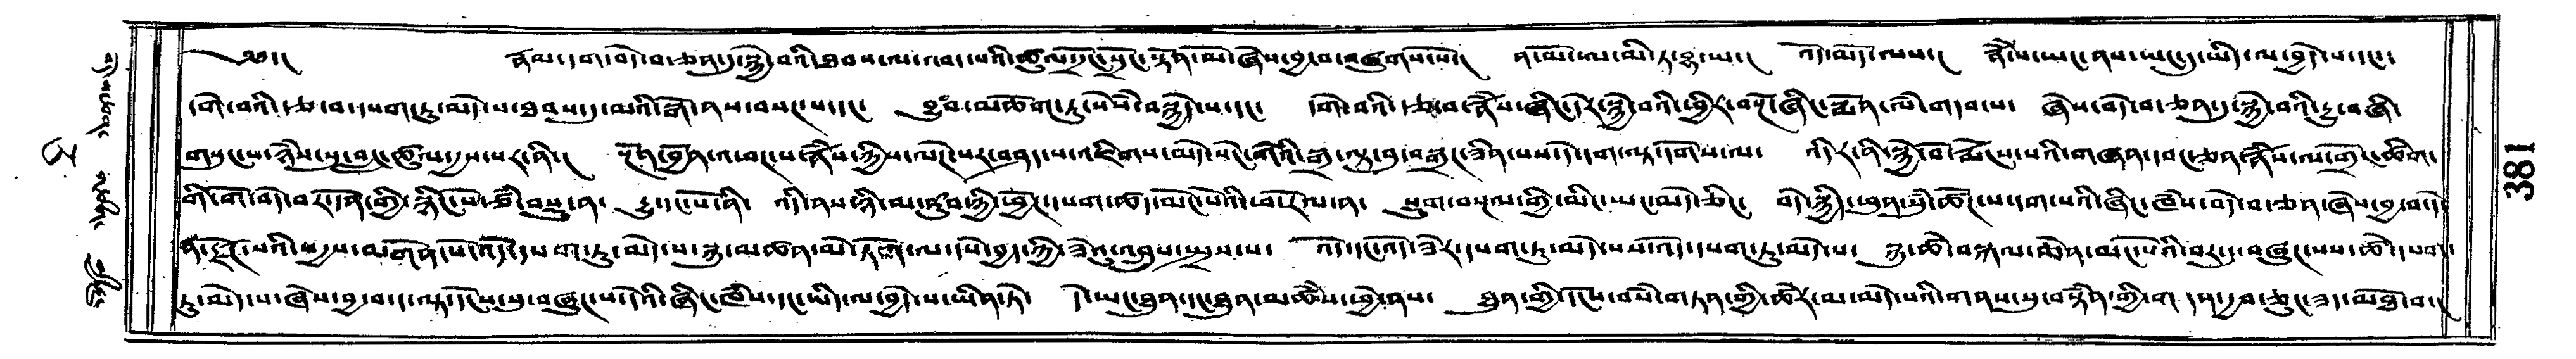༄༅། རྣམ་དག་བདེ་བ་ཅན་དུ་སྐྱེ་བའི་ཐབས་ལ་འབད་པའི་ཚུལ་དྲང་སྲོང་སྟོན་མོ་ཞེས་བྱ་བ་བཞུགས་སོ། ན་མོ་ཨ་མི་ཏ་བྷ་ཡ། འོད་མདོ་ལས། རྣམ་པ་ཡང་ནས་ཡང་དུ་ཡིད་ལ་བྱེད་པ་དང་། 
དགེ་བའི་རྩ་བ་དཔག་ཏུ་མེད་པ་ཐབས་དུ་མའི་སྒོ་ནས་བསགས་པ་དང། བྱང་ཆུབ་མཆོག་ཏུ་སེམས་བསྐྱེད་པ་དང། དགེ་བའི་རྩ་བ་རྣམས་ཞིང་དེར་སྐྱེ་བའི་ཕྱིར་བསྔོ་ཞིང་སྨོན་ལམ་གདབ་པ། ཞེས་བདེ་བ་ཅན་དུ་སྐྱེ་བའི་རྒྱུ་བཞི་
གསུངས་པ་ཉམས་སུ་བླང་ཚུལ་རྒྱས་པ་ནི། སྔོན་བྱོན་འཕགས་པ་རྣམས་ཀྱིས་ལེགས་པར་བཤད་པ་འཇིགས་མེད་སེང་གེའི་སྒྲ་ལྟ་བུ་བསྒྲགས་ཟིན་པས་དེ་དག་ལྟ་དགོས་ལ། འདིར་ནི་སྐྱེ་བོ་རྨོངས་པའི་གཞན་དབང་ཅན་རྣམས་ལ་གྲོང་ཚིག་
གི་གོ་བདེ་བར་དོན་གྱི་སྙིང་པོ་ཙམ་བསྡུ་ན། རྒྱུ་དང་པོ་ནི། འདི་ནས་ཉི་མ་ནུབ་ཀྱི་ཕྱོགས་དཔག་ཚད་མེད་པའི་ཕ་རོལ་ན། སྡུག་བསྔལ་གྱི་མིང་ཡང་མེད་ཅིང་། བདེ་སྐྱིད་ཕུན་སུམ་ཚོགས་པ་དག་པའི་ཞིང་ཁམས་བདེ་བ་ཅན་ཞེས་བྱ་བ་དེ་
ན་རྫོགས་པའི་སངས་རྒྱས་མགོན་པོ་འོད་དཔག་ཏུ་མེད་པ་སྐུ་མཚན་གྱི་མེ་ཏོག་ལ་དཔེ་བྱད་ཀྱི་ཟེའུ་འབྲུས་སྤྲས་པ། འོད་དང་འོད་ཟེར་དཔག་ཏུ་མེད་པ་འཕྲོ་པས་འོད་དཔག་ཏུ་མེད་པ། སྐུ་ཚེ་བསྐལ་ཆེན་མང་པོའི་བར་དུ་བཞུགས་པས་ཚེ་དཔག་
ཏུ་མེད་པ་ཞེས་བྱ་བ་ད་ལྟ་དངོས་སུ་བཞུགས་པ་དེའི་ཞིང་ཁམས་ཡིད་ལ་བྱེད་པ་ཡིན་ཏེ། དེ་ཡང་ཐུན་དང་ཐུན་མཚམས་ཕྱེ་ནས། ཐུན་གྱི་དངོས་གཞིར་བསམ་གཏན་གྱི་ཚེར་མ་མེད་པའི་གནས་སུ་བསམ་གཏན་མ་གྱི་གདན་རྒྱབ་ཅུང་ཟད་མཐོ་བ།